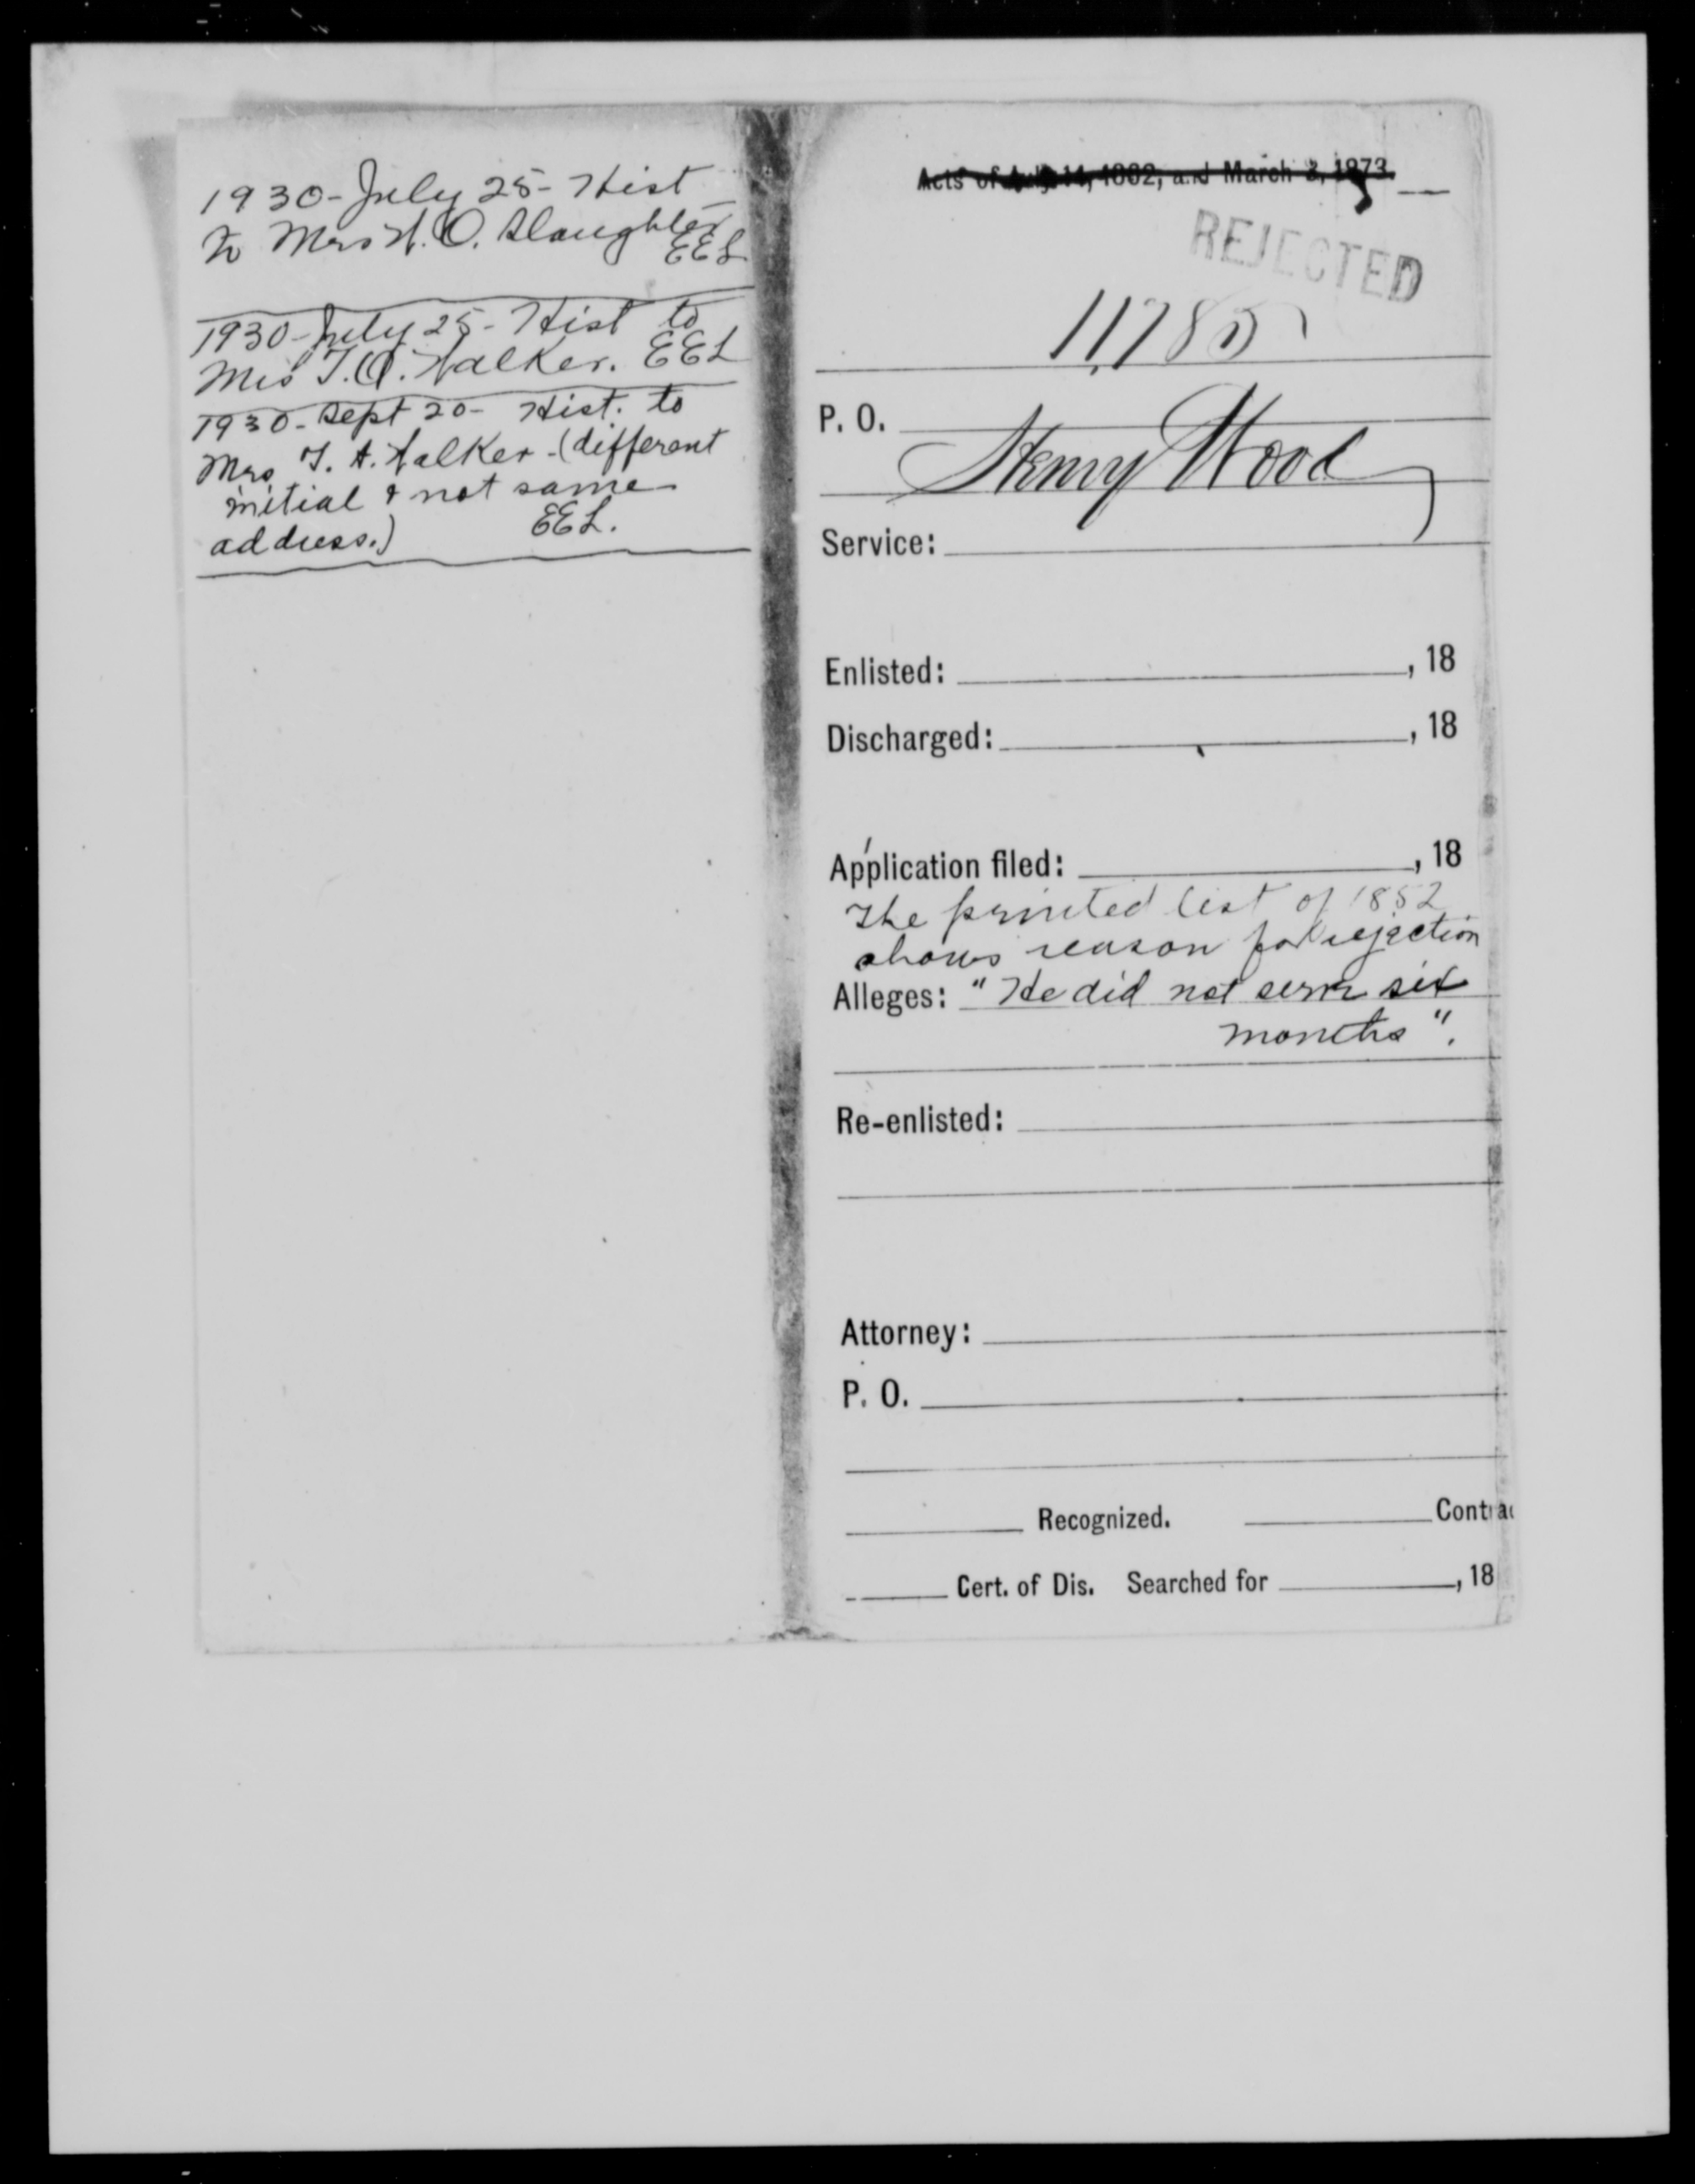1930 - July 25 - Hist to Mrs W.O. Slaughter EEL  1930 - July 25 - Hist to Mrs T.O. Walker EEL
1930 - Sept 20 - Hist to Mrs T.A. Walker (different initial & not same address.) EEl
Rejected  11,785
Henry Wood
The printed list of 1852 shows reason for rejection "He did not serve six months".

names: T O Walker, W O Slaughter, Henry Wood, T A Walker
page: 35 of 40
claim: rejected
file: R. 11785, Henry Wood, N. C.